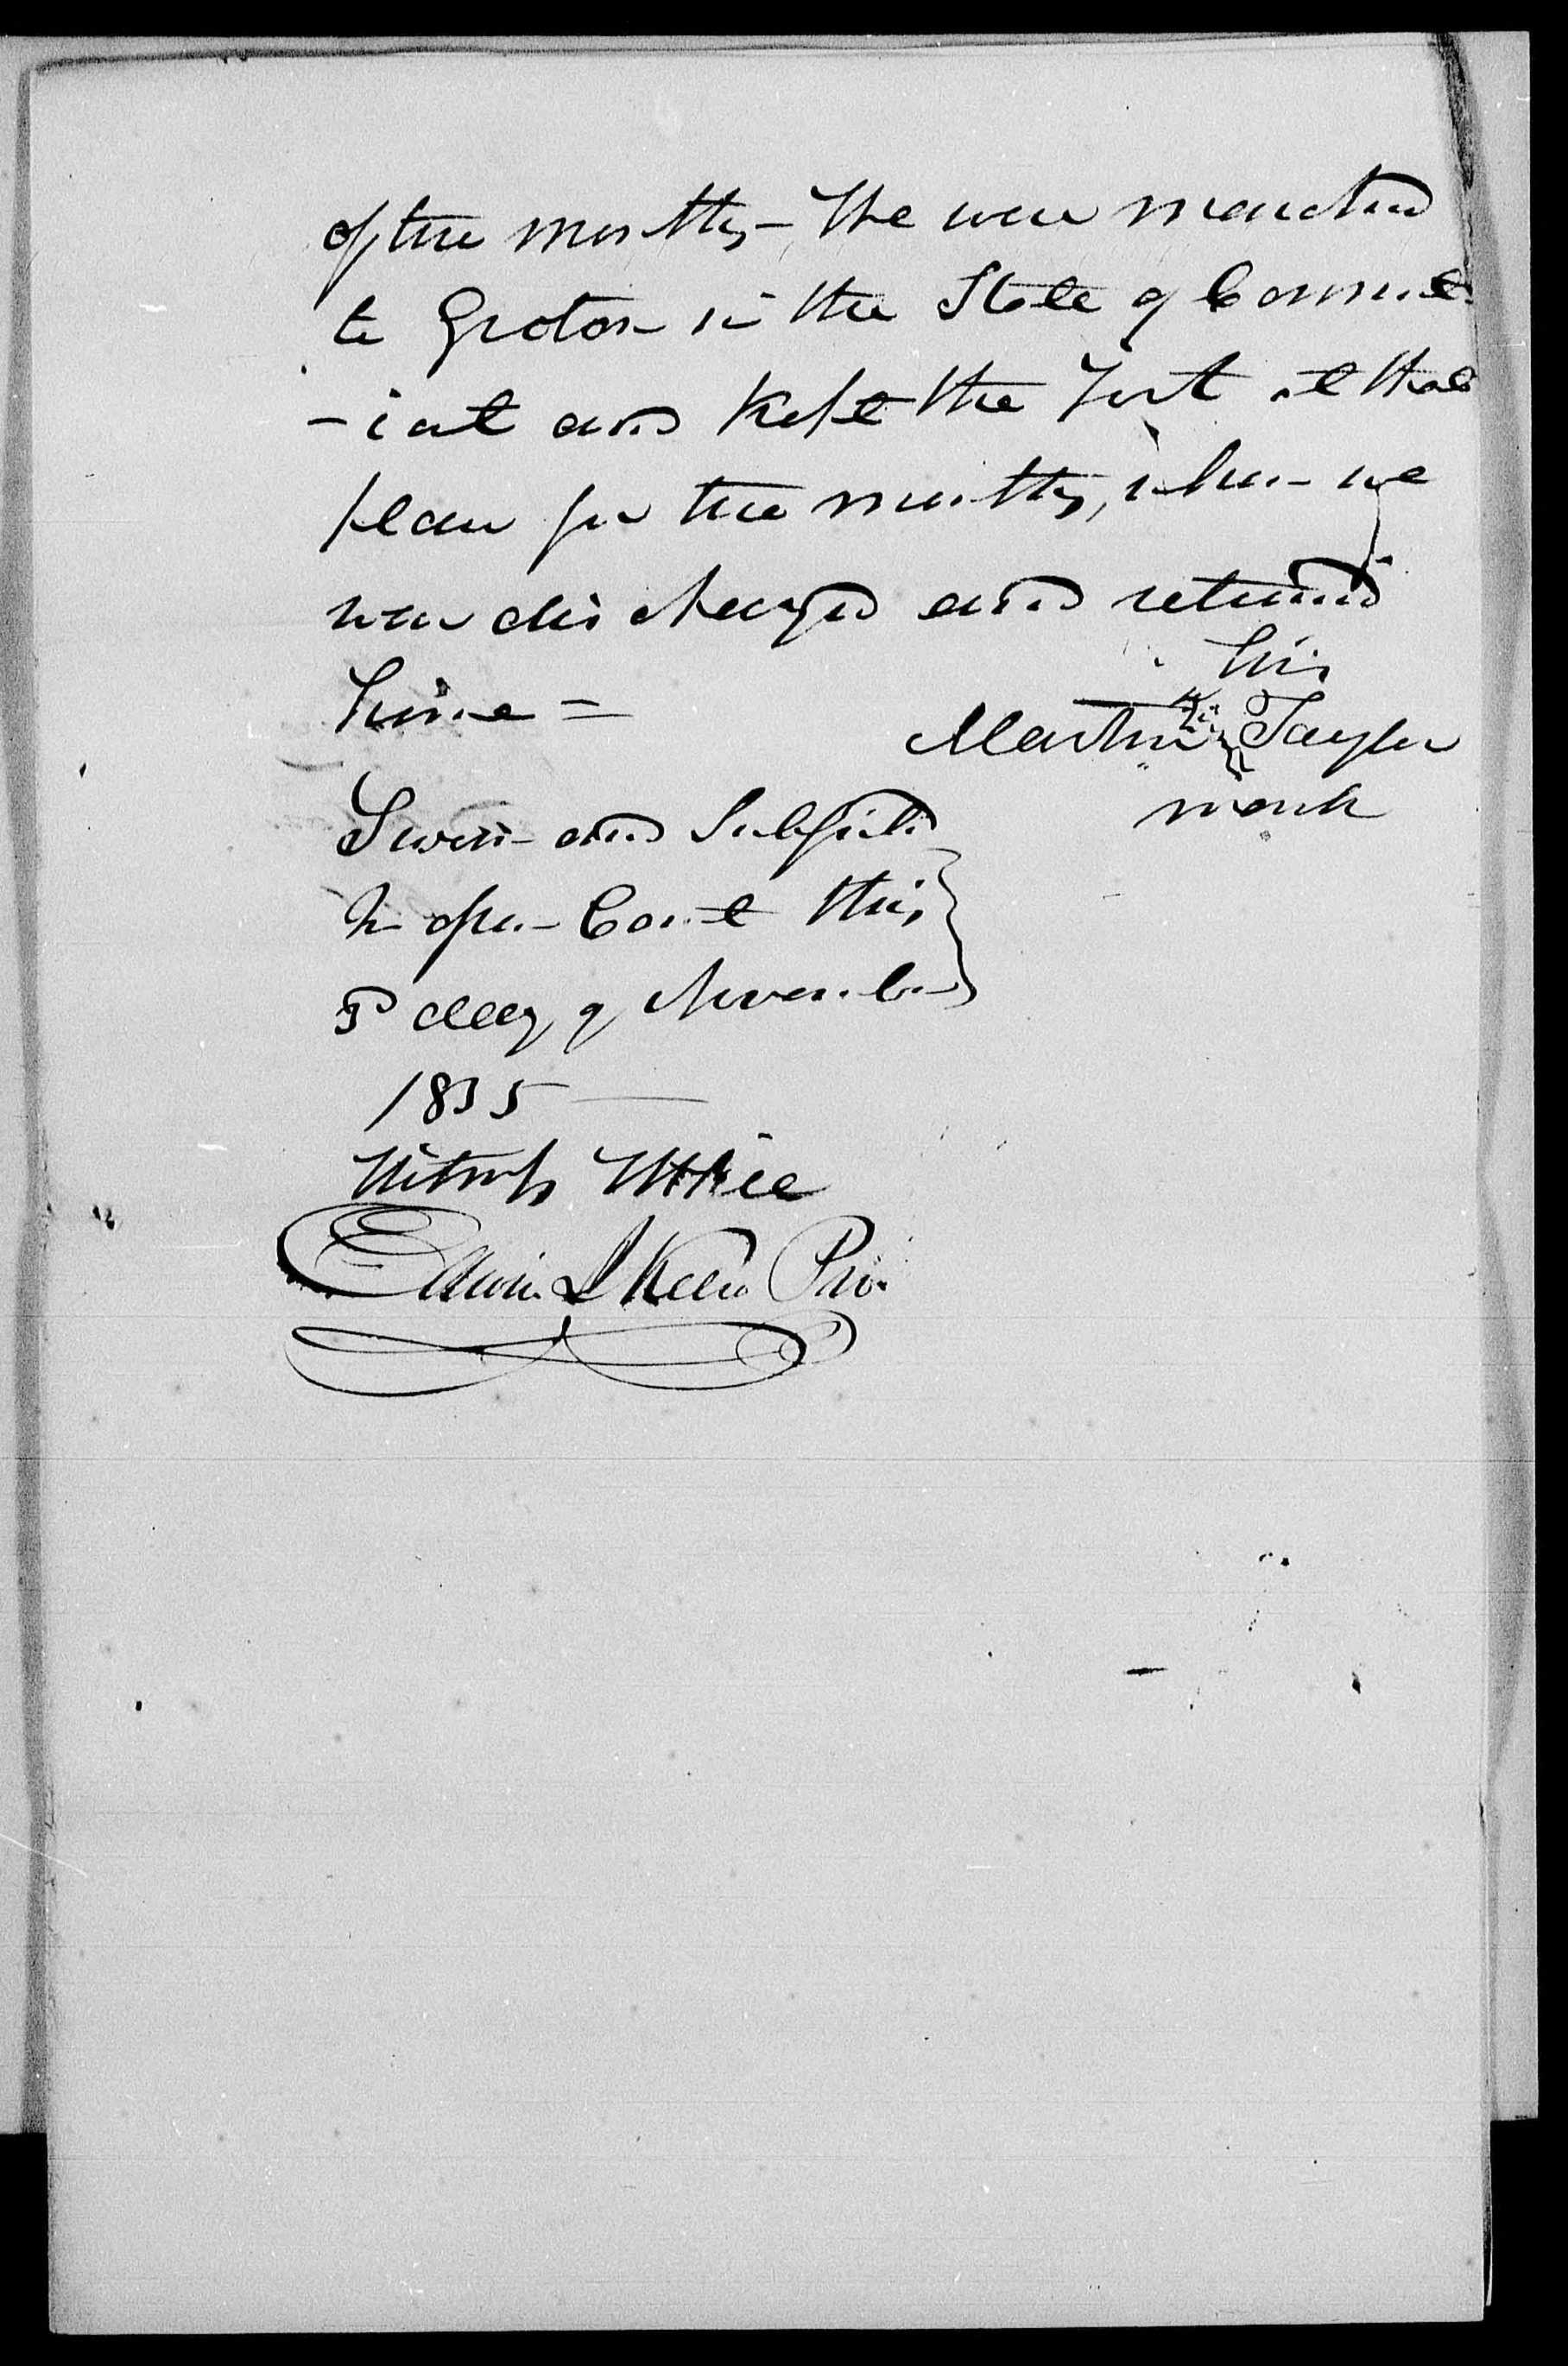of two months. We were marched to Groton in the State of Connecticut and kept the Fort at that place for two months, when we were discharged and returned home.

Martin Taylor his mark X

Sworn and subscribed in open Court this 3d day of November 1835.
witness [unk]
Edwin J Kelso Pro.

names: Martin Taylor; Edwin J Kelso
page: 7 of 13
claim: rejected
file: R 10420, for Martin Tayler, Connecticut